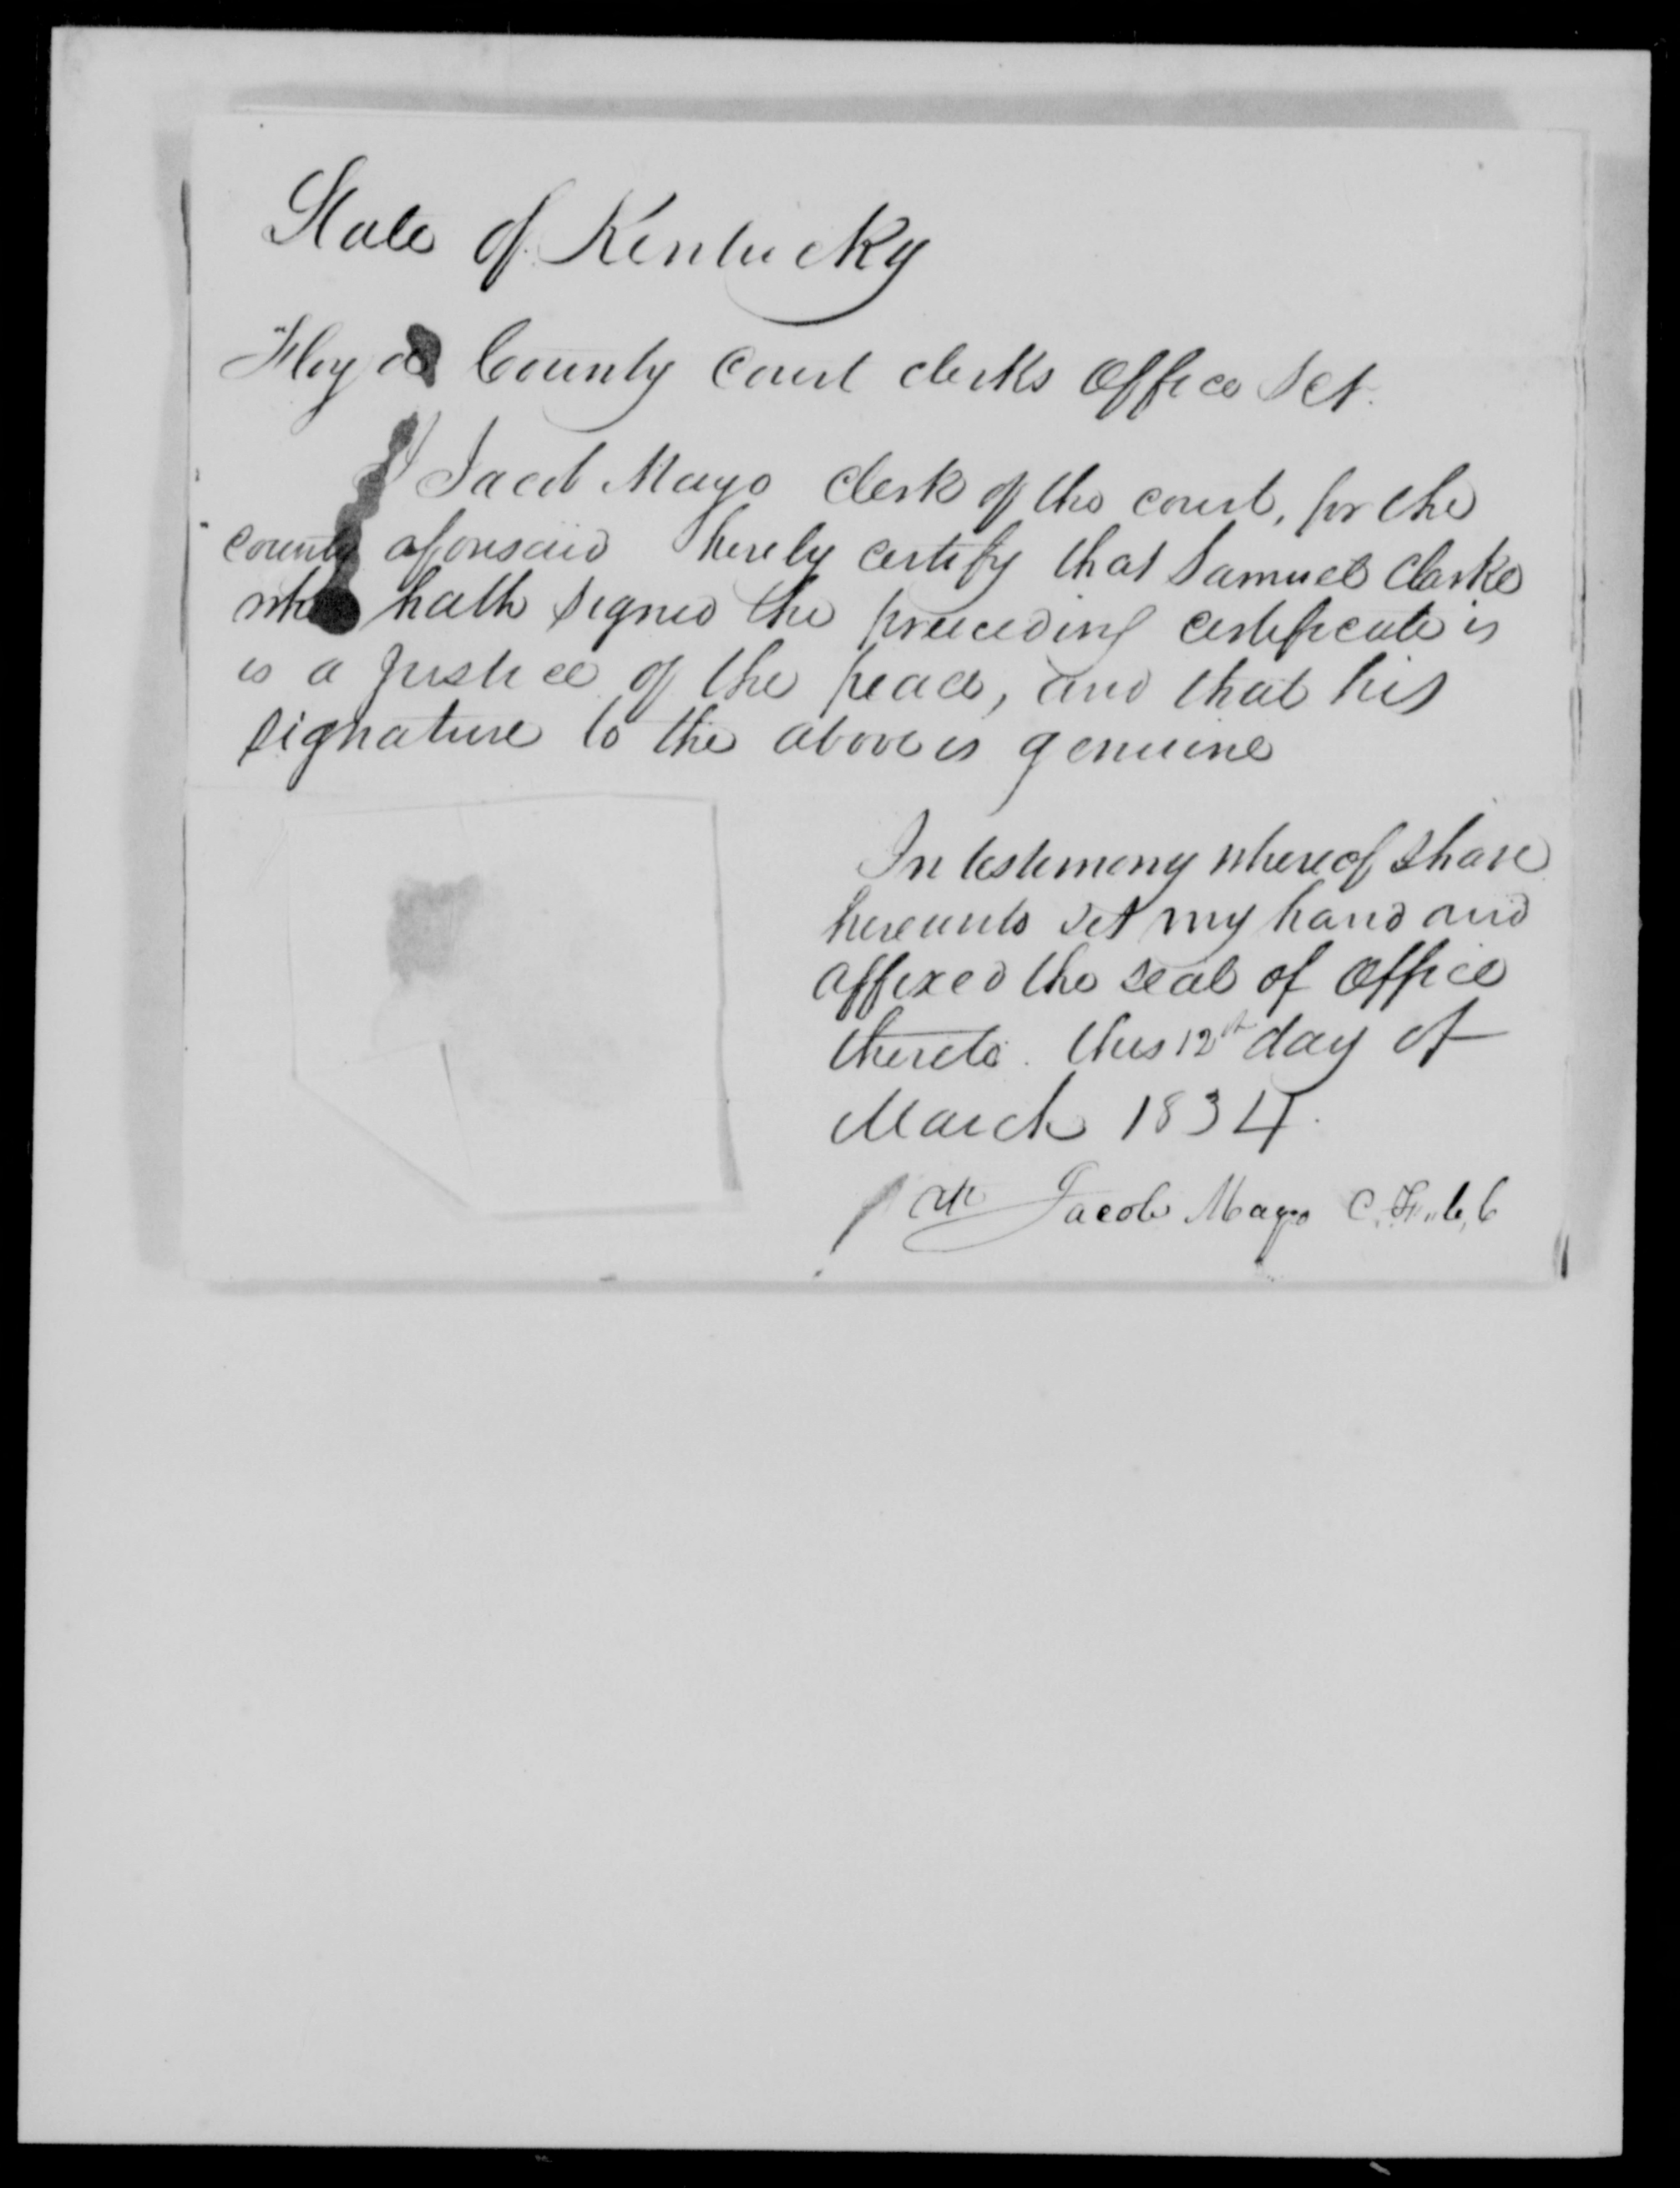State of Kentucky
Floyd County Court Clerks Office Set
I Jacob Mayo Clerk of the court, for the
County aforesaid hereby certify that Samuel Clark who hath signed the preceeding certificate is
is a Justice of the peace, and that his
signature to the above is genuine

In testimony whereof I have
hereunto set my hand and
affixed the seal of Office
thereto this 12th day of
March 1834
Jacob Mayo C.F.C.C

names: Samuel Clarke, Jacob Mayo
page: 9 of 100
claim: widow's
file: W. 6437, Richard Wells, Ga Va.